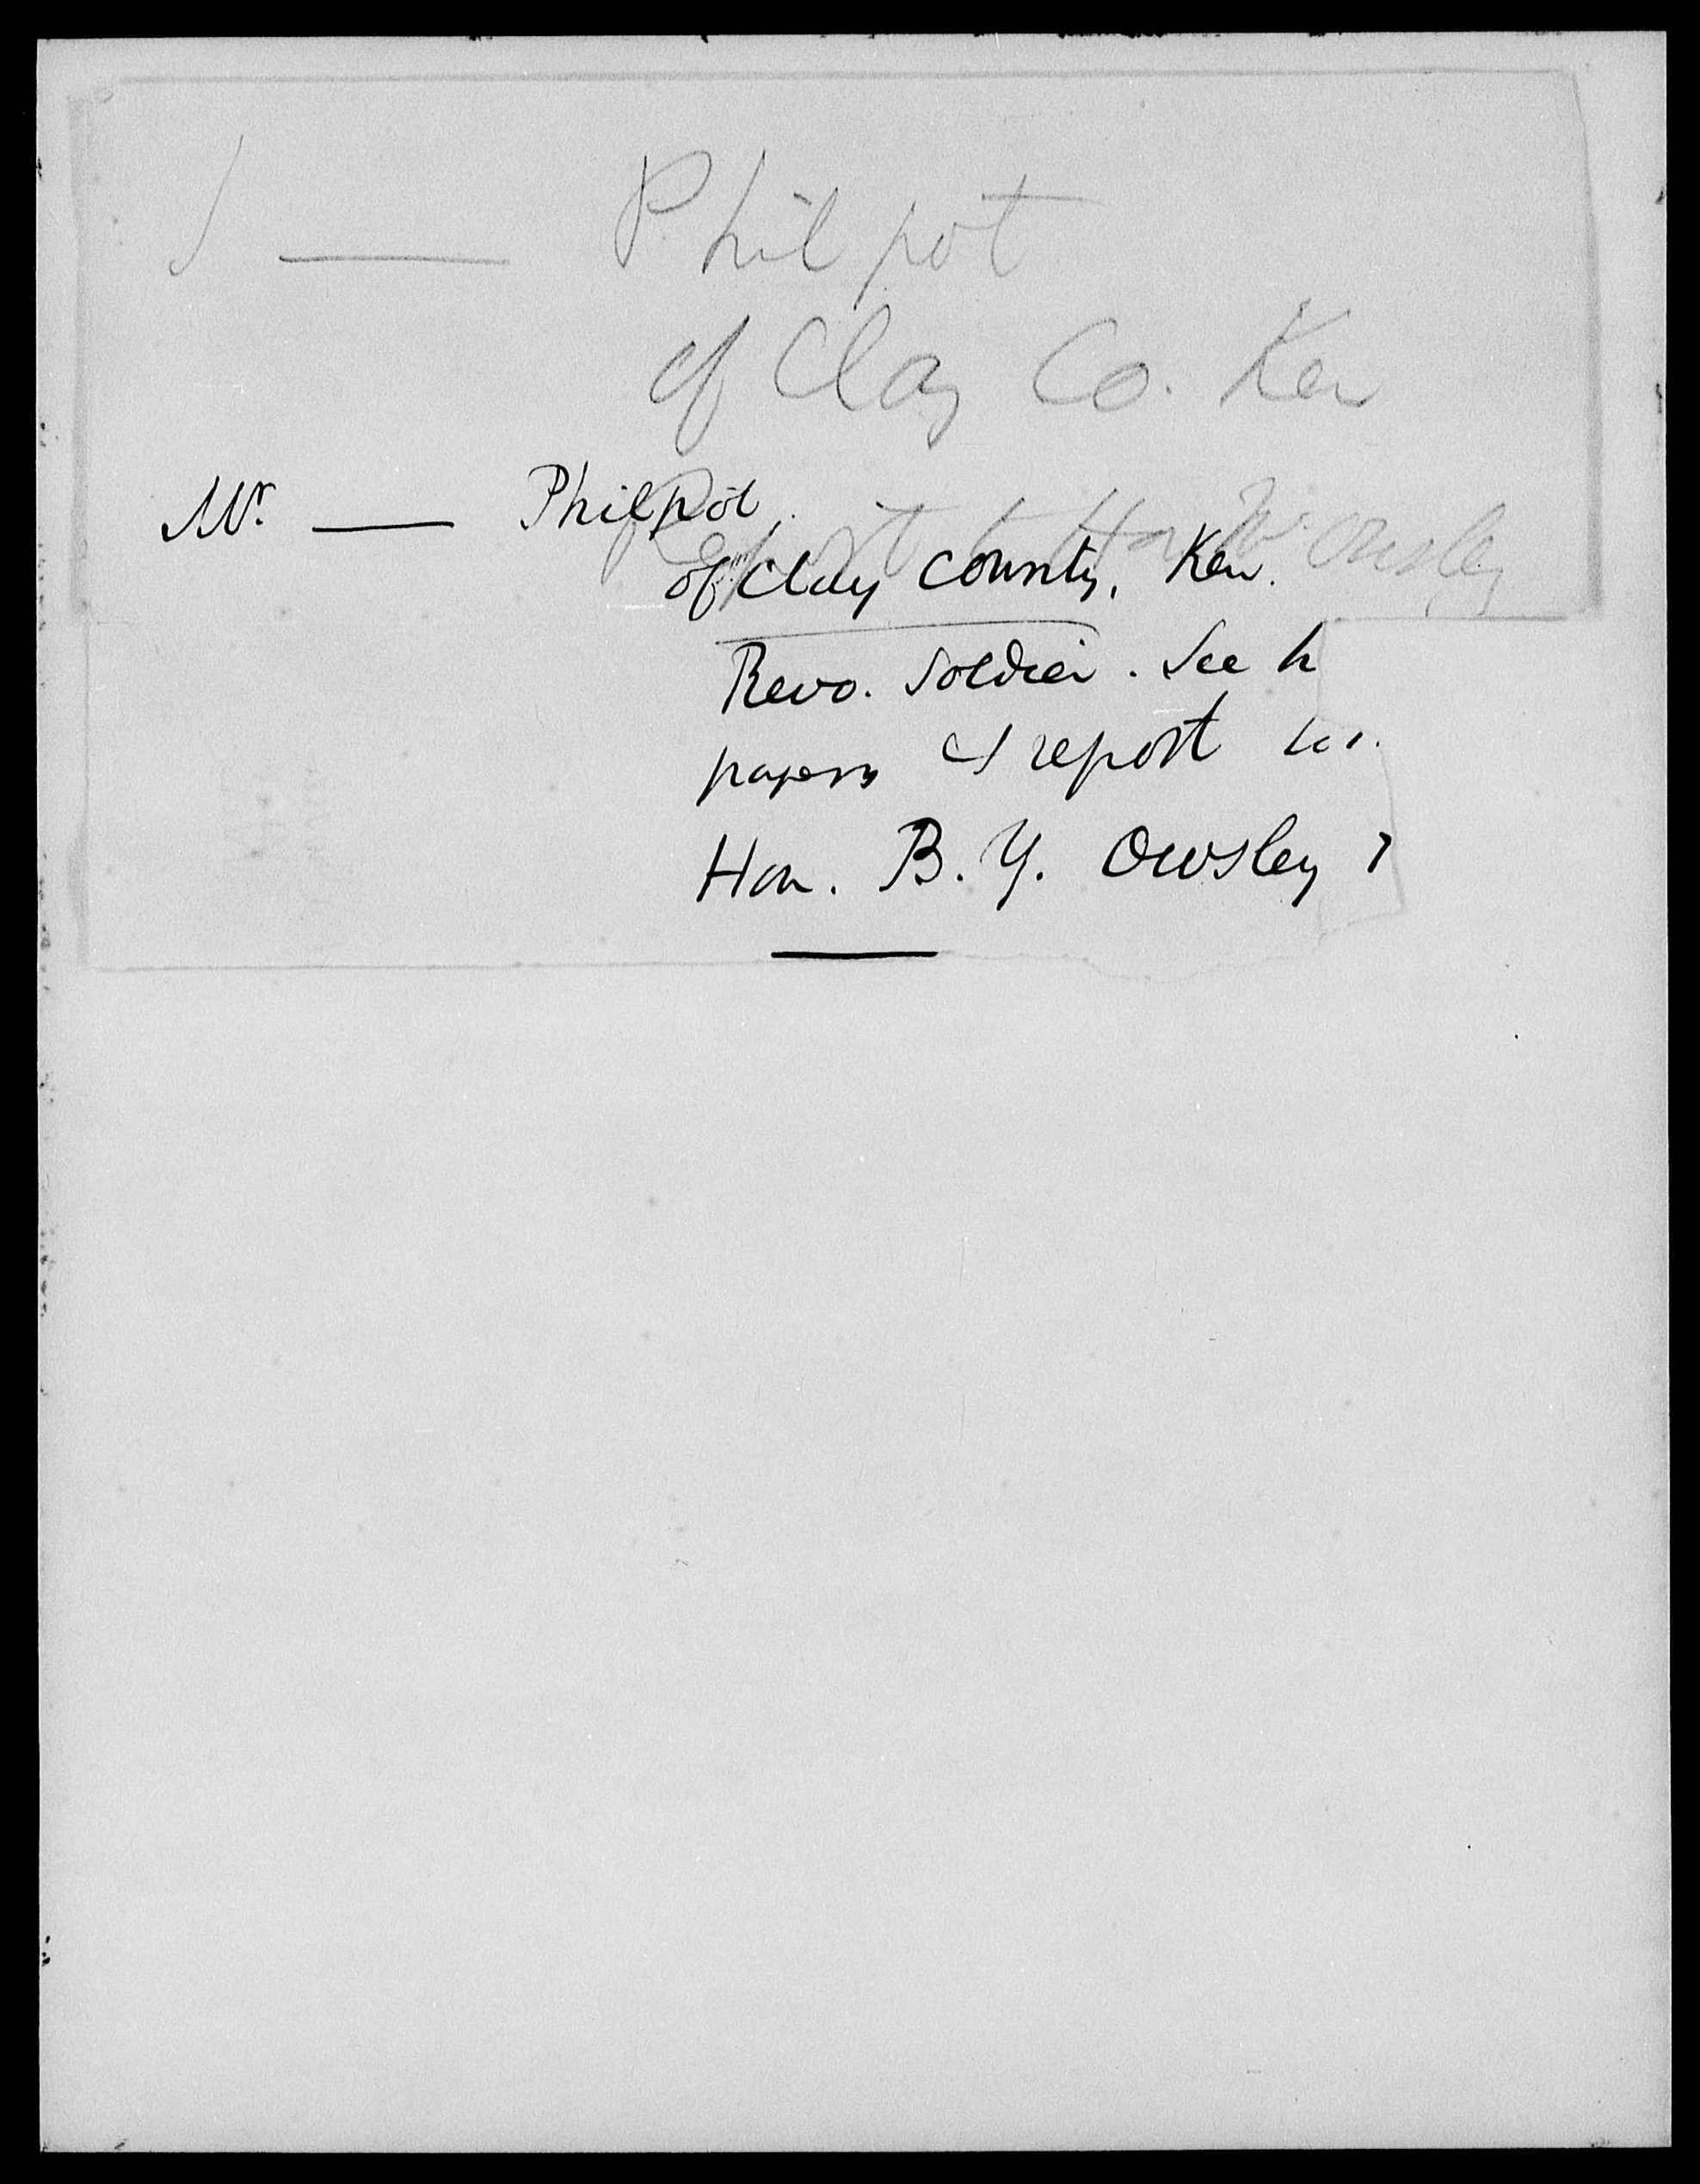T_ Philpot of Clay Co Ken
W_ Philpot of Clay Co Ken
Revo soldier see L_
papers & report Le_
Hon BY Owsley _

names: B Y Owsley; [BLANK] Philpot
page: 17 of 43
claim: rejected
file: R. 8217, for Thomas Philpot, South Carolina